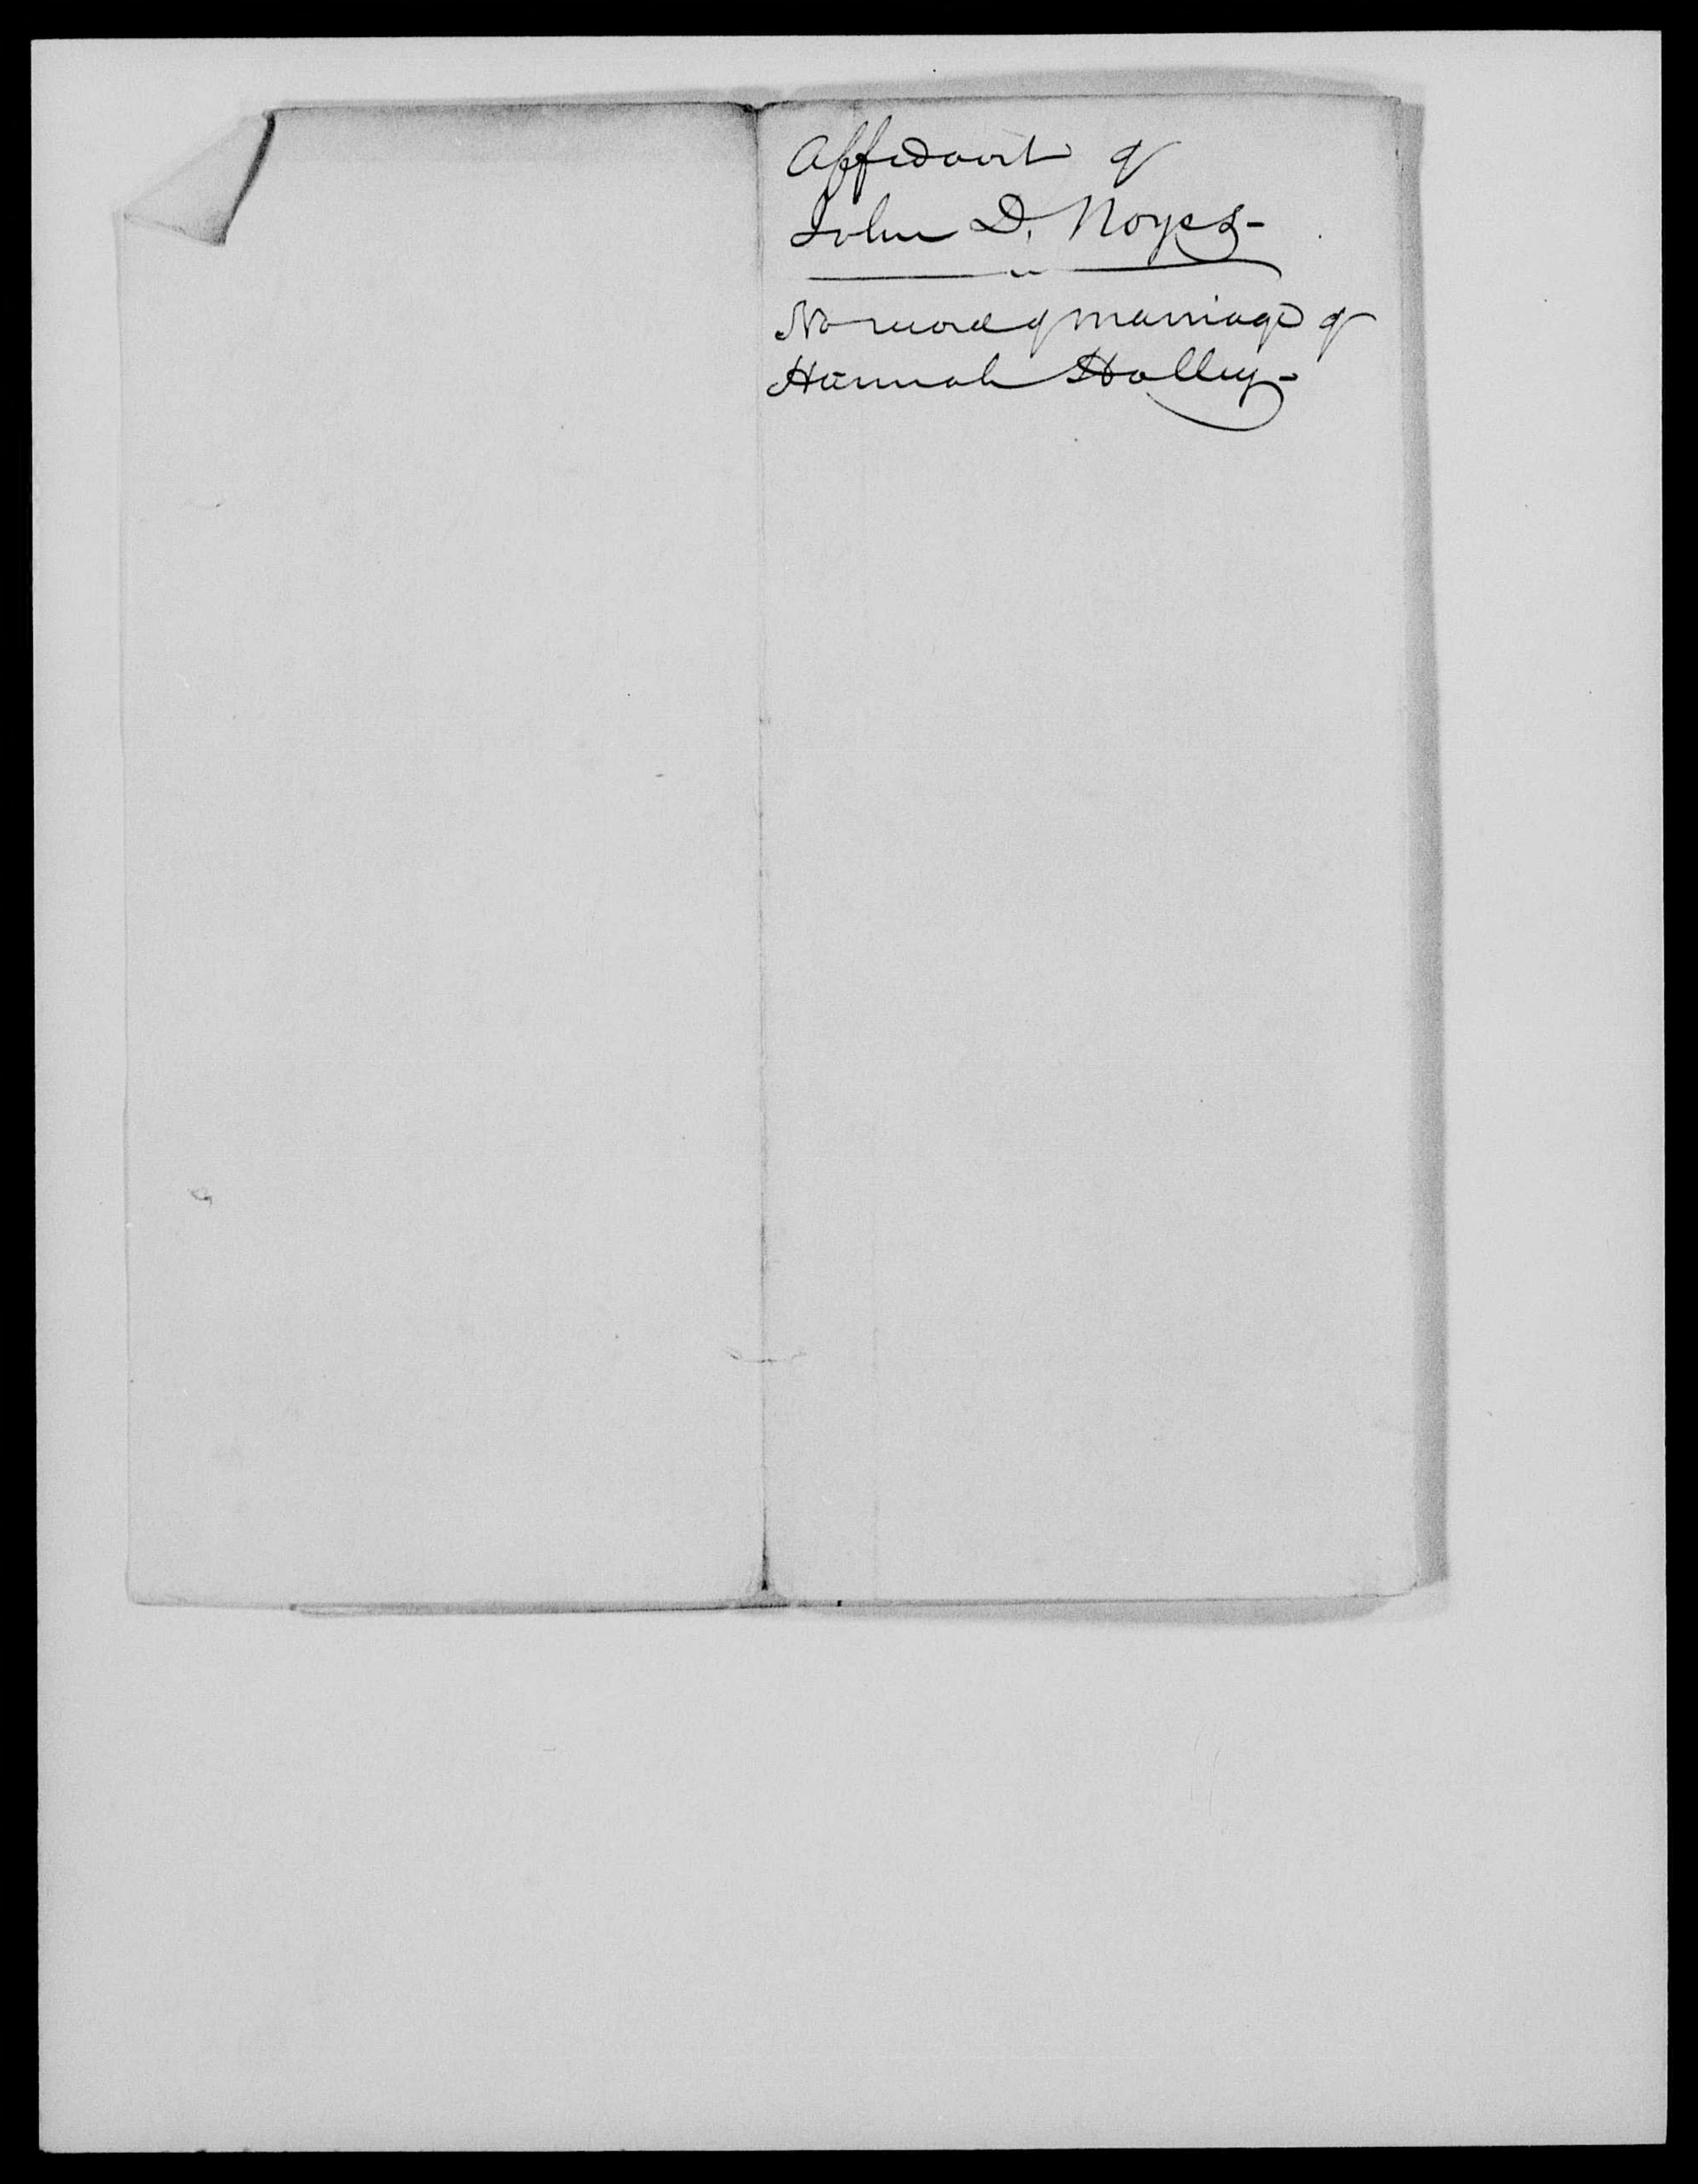affidavit of
John D. Noyes
No record of marriage of
Hannah Holley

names: John D Noyes, Hannah Halley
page: 60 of 62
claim: widow's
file: W. 21391, Robert Holley, Conn.